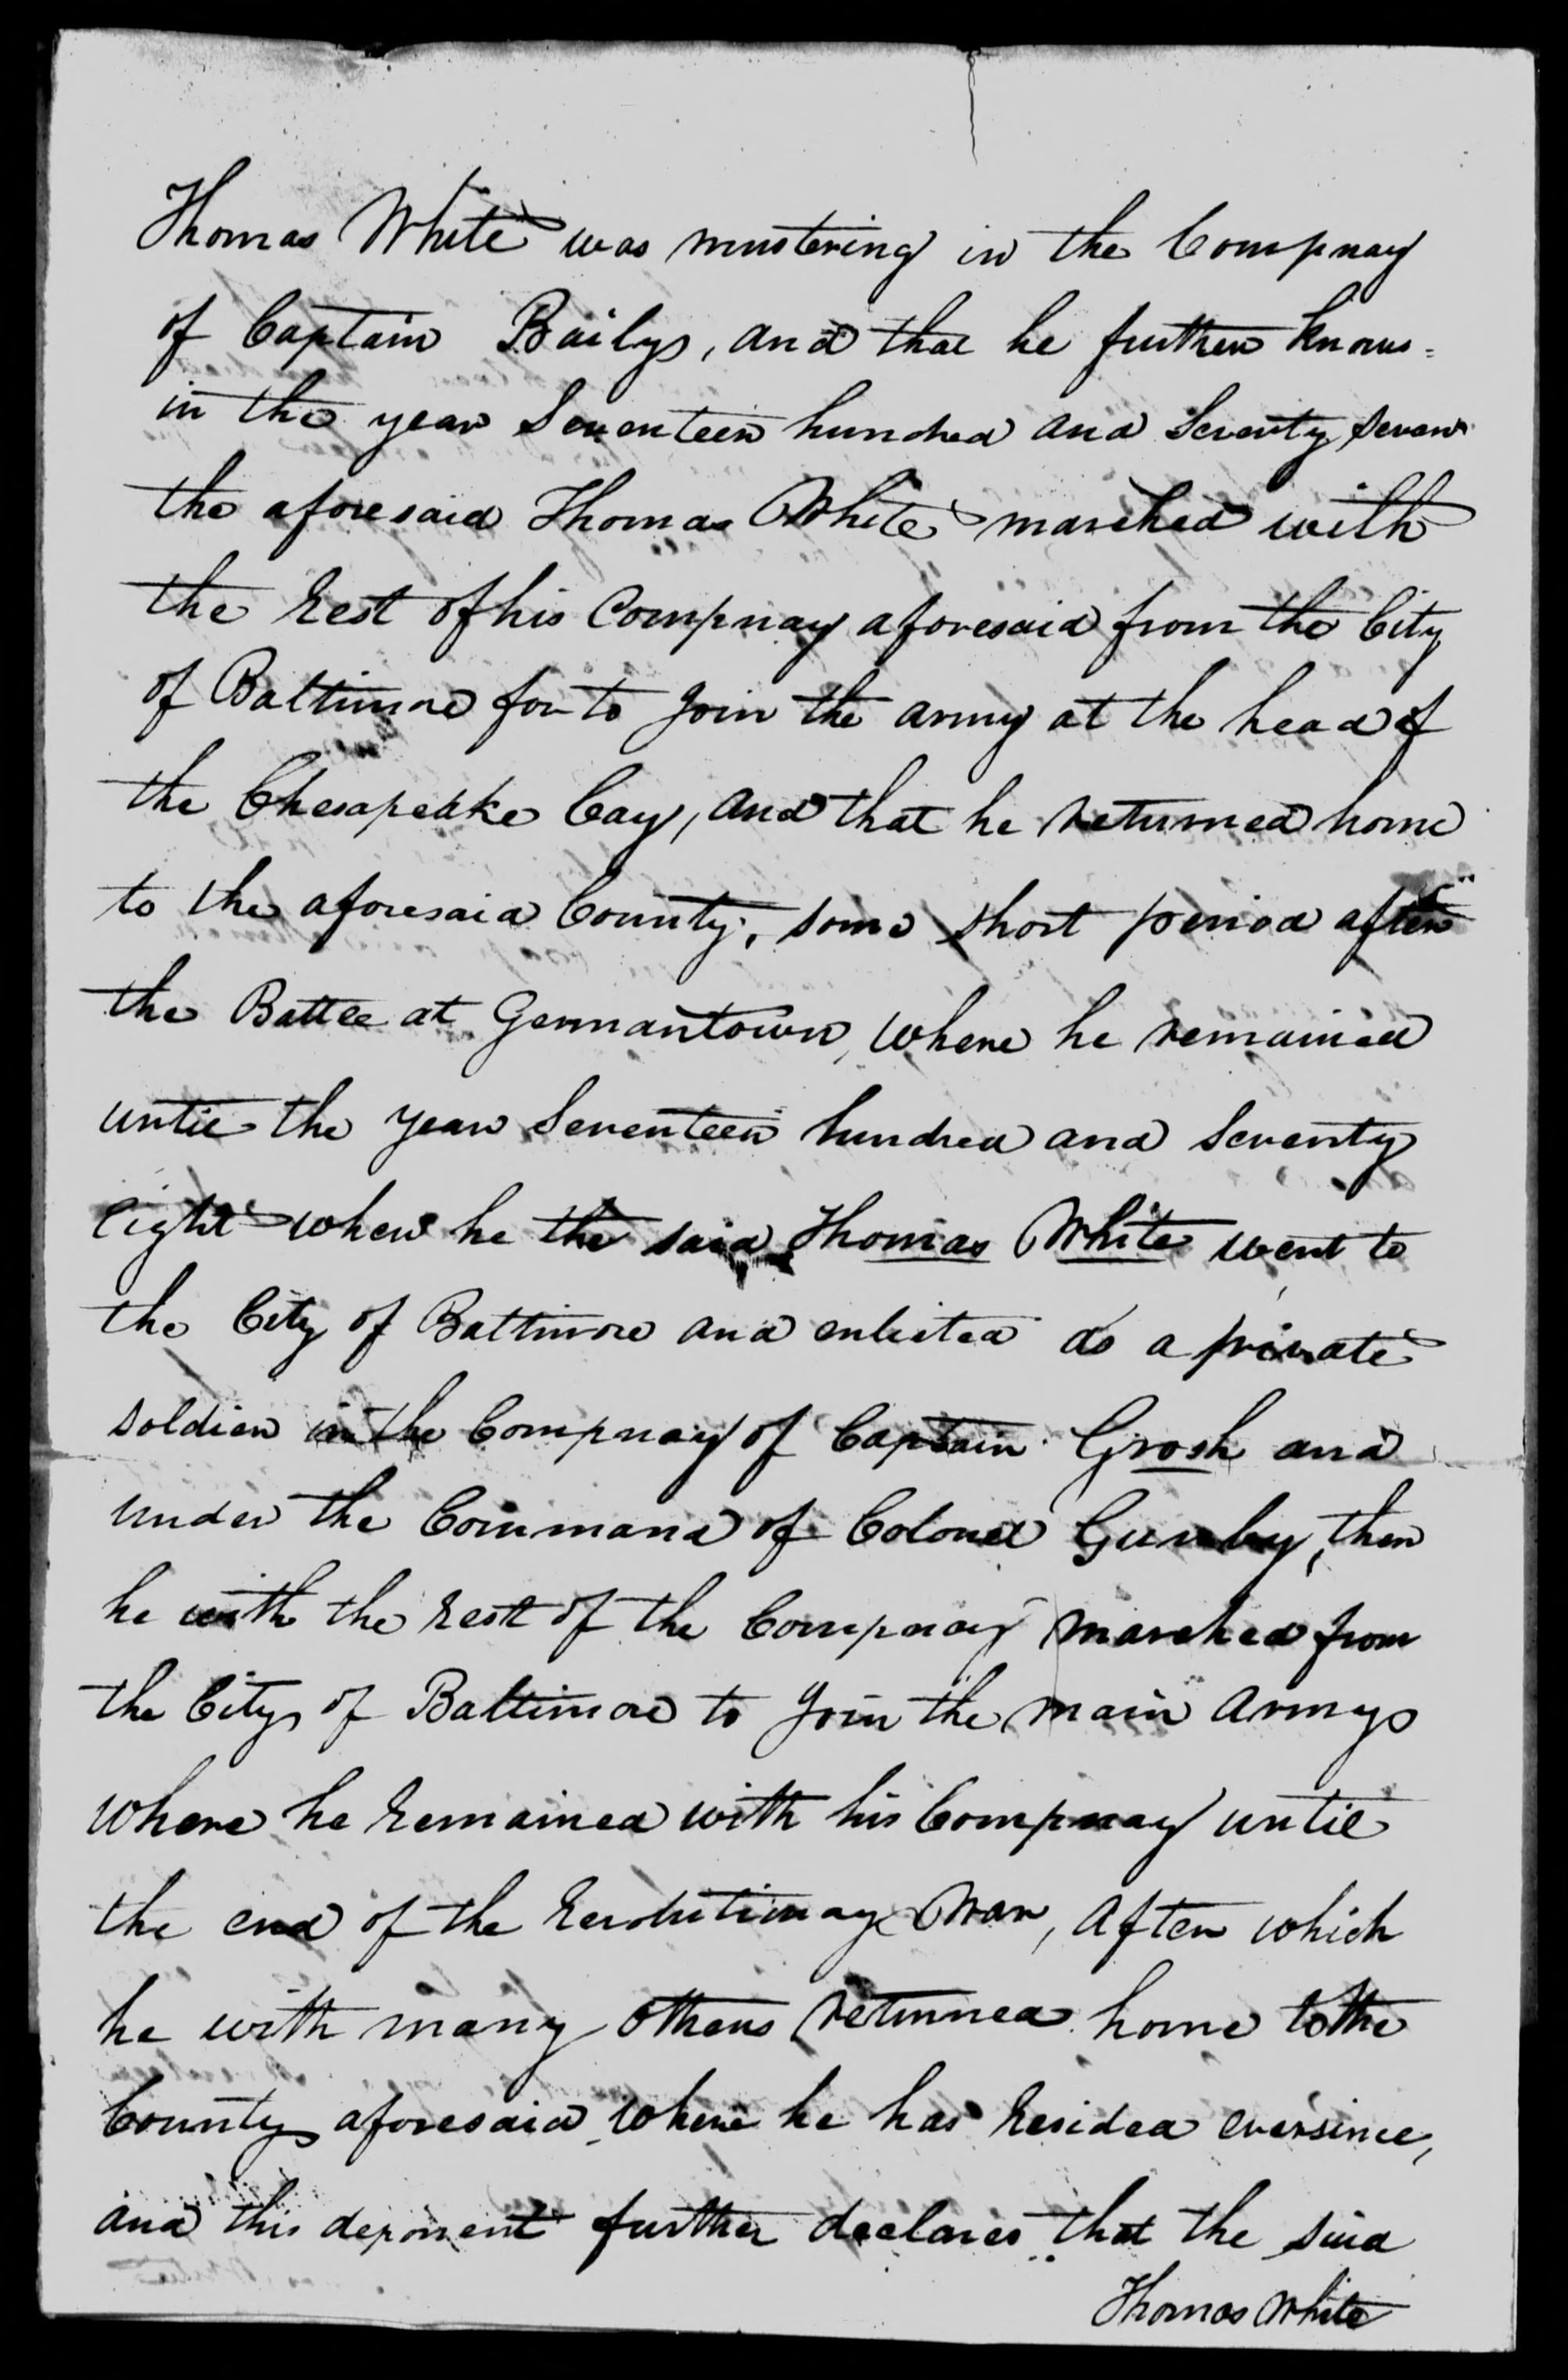Thomas White was mustering in the Company of Captain Bailys, and that he further knows in the year Seventeen hundred and Seventy seven the aforesaid Thomas White marched with the rest of his Company aforesaid from the City of
Baltimore for to Join the army at the head of the Chesapeake bay, and that he returned home to the aforesaid County, some short period after the Battle at Germantown, where he remained until the year Seventeen hundred and Seventy
eight when he the said Thomas White went to the City of Baltimore and enlisted as a private soldier in the Company of Captain Grosh and under the command of Colonel Gunby, then he with the rest of the Company marched from the City of Baltimore to Join the main armys where he remained with his Company until
the end of the Revolutionary War, after which he with many others returned home to the County aforesaid where he has resided ever since and this deponent further declared that the said
Thomas White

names: Grenby, Baileys, Thomas White, Grosh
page: 9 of 43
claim: survivor's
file: S. 15240, Thomas White, Md.